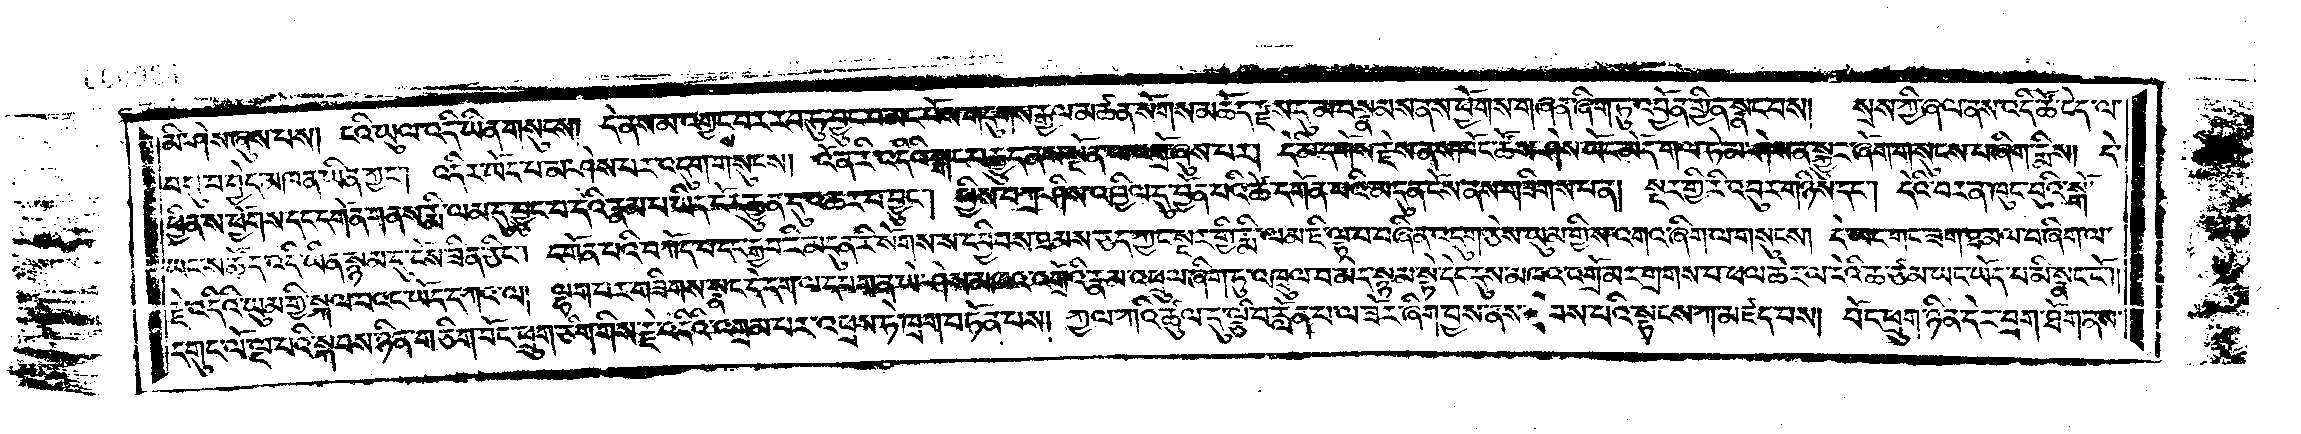མི་ཤེས་ཞུས་པས། ངའི་ཡུལ་འདི་ཡིན་གསུངས། དེ་ནས་མ་འགྱངས་བར་རབ་ཏུ་བྱུང་བ་མང་པོས་གདུགས་རྒྱལ་མཚན་སོགས་མཆོད་རྫས་དུ་མ་བསྣམས་ནས་ཕྱོགས་གཞན་ཞིག་ཏུ་འབྱོན་གྱིན་སྣང་བས། སྲས་ཀྱི་ཞལ་ནས་འདི་ཚོ་ངེད་ལ་
བསུ་བ་བྱེད་མཁན་ཡིན་ཀྱང་། འདིར་ཡོད་པ་མ་ཤེས་པར་འདུག་གསུངས། འོ་ན་རི་འདིའི་སྒང་བརྒྱུད་ནས་སྔོན་ལ་འགྲོ་ཞུས་པར། དེ་མི་དགོས་རྗེས་ནས་ཁོང་ཚོས་ཤེས་ཡོང་མོད་གལ་ཏེ་མ་ཤེས་ན་སྐྱང་ཞོག་གསུངས་པ་ཞིག་རྨིས། དེ་
ཕྱིན་ས་ཕྱོགས་དང་དགོན་གནས་རྨི་ལམ་དུ་བྱུང་བ་དེའི་རྣམ་པ་ཡིད་ངོར་རྒྱུན་དུ་འཆར་བ་བྱུང་། ཕྱིས་བཀྲ་ཤིས་འཁྱིལ་དུ་བྱོན་པའི་ཚེ་དགོན་པའི་མདུན་ངོས་ནས་གཟིགས་པ་ན། སྔར་གྱི་རི་འབུར་གཉིས་དང་། དེའི་བར་ན་ཁུང་བུའི་སྒོ་
ཡངས་ཚོད་འདི་ཡིན་སྙམ་དུ་ངོས་ཟིན་ཅིང་། དགོན་པའི་བཀོད་པ་དང་རྒྱབ་རི་མདུན་རི་སོགས་ས་དབྱིབས་ཐམས་ཅད་ཀྱང་སྔར་གྱི་རྨི་ལམ་ཇི་ལྟ་བ་བཞིན་འདུག་ཅེས་ཡུམ་གྱིས་འགའ་ཞིག་ལ་གསུངས། དེ་ཡང་གང་ཟག་ཐ་མལ་བཞིག་ལ་
རྗེ་འདིའི་ཡུམ་གྱི་སྐལ་བའང་ཡོད་དཀའ་ལ། ལྷག་པར་གཟིགས་སྣང་དེ་དག་ལ་དཔག་ན་ཡེ་ཤེས་མཁའ་འགྲོའི་རྣམ་འཕྲུལ་ཞིག་ཏུ་འཁྲུལ་བ་མེད་སྙམ་སྟེ་དེང་དུས་མཁའ་འགྲོ་མར་གྲགས་པ་ཕལ་ཆེར་ལ་དེའི་ཆ་ཙམ་ཡང་ཡོད་པ་མི་སྣང་ངོ། །
དགུང་ལོ་ལྔ་བའི་སྐབས་ཉིན་གཅིག་བོང་ཕྲུག་ཅིག་གིས་རྗེ་འདིའི་འགྲམ་པར་འཕྲས་ཏེ་ཁྲག་བཏོན་པས། ཀྱལ་ཀའི་ཚུལ་དུ་ལྕི་བ་རློན་པ་ལ་ཟོར་ཞིག་བྱས་ནས་རྡེབས་པའི་སྟངས་ཀ་མཛད་པས། བོང་ཕྲུག་ཉིན་དེར་བྲག་ཐོག་ནས་